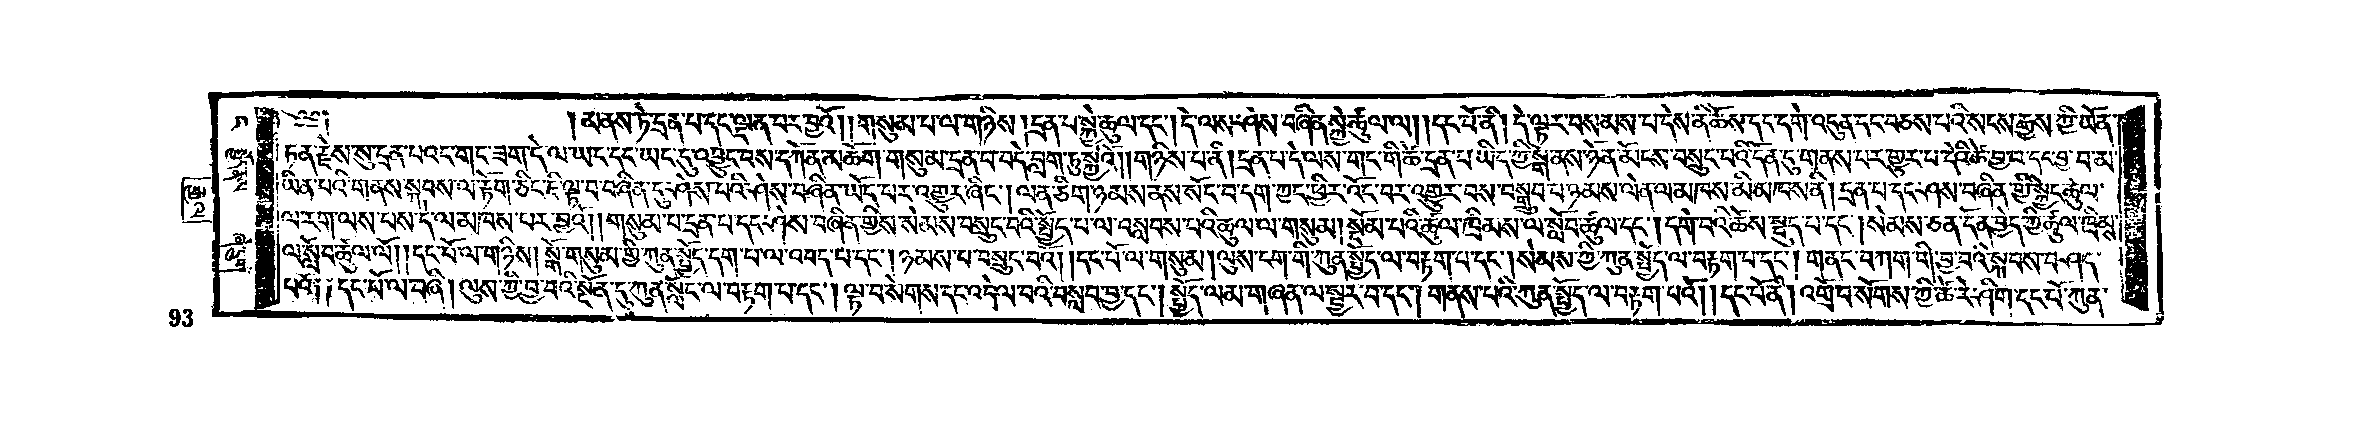༄༅། །མནས་ཏེ་དྲན་པ་དང་ལྡན་པར་བྱའོ། །གསུམ་པ་ལ་གཉིས། དྲན་པ་སྐྱེ་ཚུལ་དང་། དེ་ལས་ཤེས་བཞིན་སྐྱེ་ཚུལ་ལ། །དང་པོ་ནི། དེ་ལྟར་བསམས་པ་དེས་ནི་ཆོས་དང་དགེ་འདུན་དང་བཅས་པའི་སངས་རྒྱས་ཀྱི་ཡོན་
ཏན་རྗེས་སུ་དྲན་པའང་གང་ཟག་དེ་ལ་ཡང་དང་ཡང་དུ་འབྱུང་བས་དཀོན་མཆོག་གསུམ་དྲན་པ་བདེ་བླག་ཏུ་སྐྱེའོ། །གཉིས་པ་ནི། དྲན་པ་དེ་ལས་གང་གི་ཚེ་དྲན་པ་ཡིད་ཀྱི་སྒོ་ནས་ཉོན་མོངས་བསྲུང་བའི་དོན་དུ་གནས་པར་གྱུར་པ་དེའི་ཚེ་བྱ་བ་དང་བྱ་བ་མ་
ཡིན་པའི་གནས་སྐབས་ལ་རྟོག་ཅིང་ཇི་ལྟ་བ་བཞིན་དུ་ཤེས་པའི་ཤེས་བཞིན་ཡོད་པར་འགྱུར་ཞིང་། ལན་ཅིག་ཉམས་ནས་སོང་བ་དག་ཀྱང་ཕྱིར་འོང་བར་འགྱུར་བས་བསྒྲུབ་པ་ཉམས་ལེན་ལ་མཁས་མི་མཁས་ནི། དྲན་པ་དང་ཤེས་བཞིན་གྱི་སྐྱེད་ཚུལ་
ལ་རག་ལས་པས་དེས་དེ་ལ་མཁས་པར་བྱའོ། །གསུམ་པ་དྲན་པ་དང་ཤེས་བཞིན་གྱིས་སེམས་བསྲུང་བའི་སྤྱོད་པ་ལ་བསླབས་པའི་ཚུལ་ལ་གསུམ། སྡོམ་པའི་ཚུལ་ཁྲིམས་ལ་སློབ་ཚུལ་དང་། དགེ་བའི་ཆོས་སྤུད་པ་དང་། སེམས་ཅན་དོན་བྱེད་ཀྱི་ཚུལ་ཁྲིམས་
ལ་སློབ་ཚུལ་ལོ། །དང་པོ་ལ་གཉིས། སྒོ་གསུམ་གྱི་ཀུན་སྤྱོད་དག་པ་ལ་འབད་པ་དང་། ཉམས་པ་བསྲུང་བའོ། །དང་པོ་ལ་གསུམ། ལུས་ངག་གི་ཀུན་སྤྱོད་ལ་བརྟག་པ་དང་། སེམས་ཀྱི་ཀུན་སྤྱོད་ལ་བརྟག་པ་དང་། གནང་བཀག་གི་བྱ་བའི་སྐབས་བཤད་
པའོ༑ ༑དང་པོ་ལ་བཞི། ལུས་ཀྱི་བྱ་བའི་སྔོན་དུ་ཀུན་སློང་ལ་བརྟག་པ་དང་། ལྟ་བ་སོགས་དང་འདྲེལ་བའི་བསླབ་བྱ་དང་། སྤྱོད་ལམ་གཞན་ལ་སྦྱར་བ་དང་། གནས་པའི་ཀུན་སྤྱོད་ལ་བརྟག་པའོ། །དང་པོ་ནི། འགྲོ་བ་སོགས་ཀྱི་ཚེ་རེ་ཤིག་དང་པོ་ཀུན་